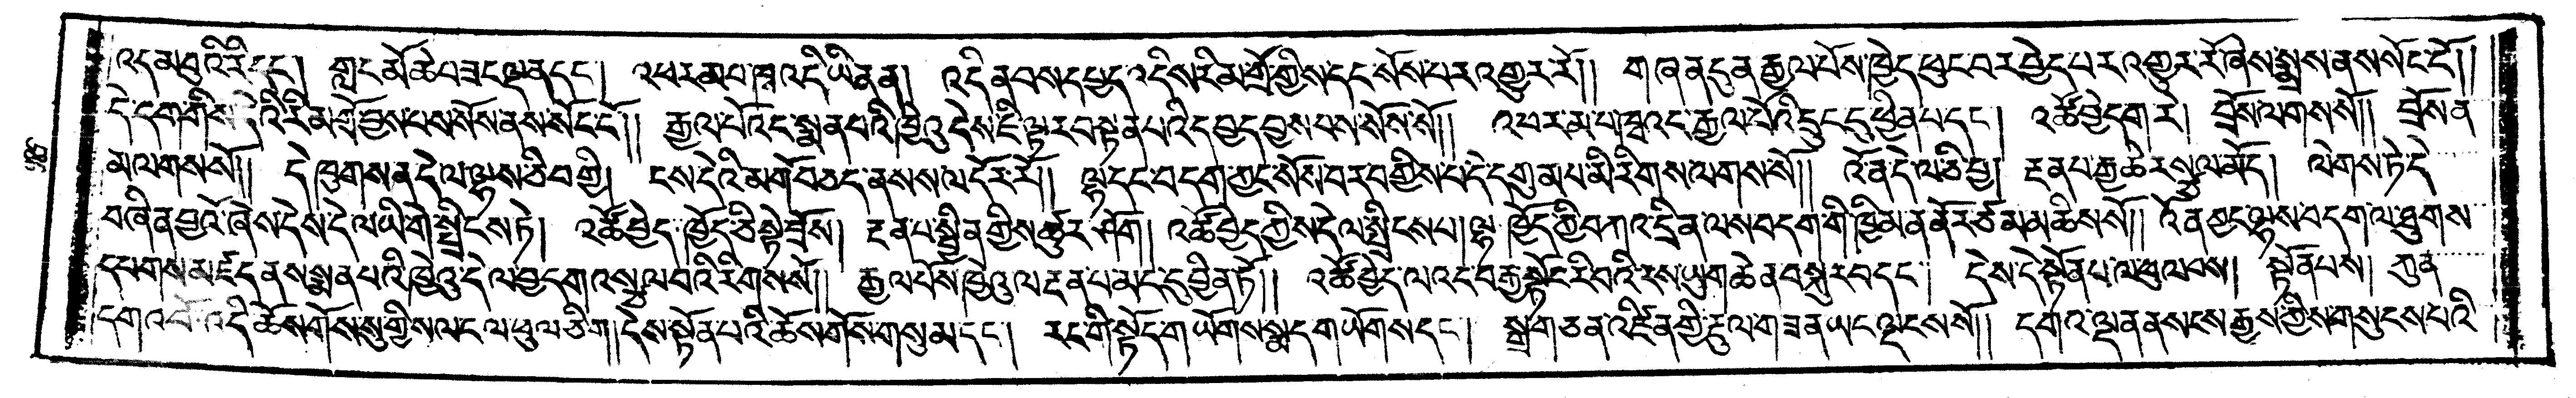འདམ་བུའི་རི་དང་། གླང་མོ་ཆེ་བཟང་ལྡན་དང་། འཕར་མ་བ་ཁྭ་འདི་ཡིན་ན། འདི་ན་དཔྱད་འདིས་རིམ་གྲོ་གྱིས་དང་སོས་པར་འགྱུར་རོ། །གཞན་དུན་རྒྱལ་པོས་ཁྱེད་ཕུང་བར་བྱེད་པར་འགྱུར་རོ་ཞེས་སྨྲས་ནས་སོང་ངོ། །
དེ་དག་གིས་དེའི་རི་མགྲོ་བྱས་པས་སོས་ནས་སོང་ངོ། །རྒྱལ་པོའང་སྨན་པའི་ཁྱེའུ་དེས་ཇི་ལྟར་བསྟན་པའི་དབྱད་བྱས་པས་སོས་སོ། །འཕར་མ་པ་ཁྭ་འང་རྒྱལ་པོའི་དྲུང་དུ་ཕྱིན་པ་དང་། འཚོ་བྱེད་ག་རེ། བྲོས་ལགས་སོ།། བྲོས་ན་
མ་ལགས་སོ། །དེ་ཁུགས་ན་དེ་ལ་ལྷས་ཅིབ་གྱི། ངས་དེའི་མགོ་བཅད་ནས་སལ་དོར་རོ། །ལྷ་དང་བདག་ཀྱང་སོས་བར་བགྱིས་པ་དེ་གུ་མ་པ་མི་རིགས་ལགས་སོ། །འོ་ན་དེ་ལ་ཅི་བྱ། རྔན་པ་རྒྱ་ཆེར་སྩལ་མོད། ལེགས་ཏེ་དེ་
བཞིན་བྱའོ་ཞེས་དེས་དེ་ལ་ཡི་གེ་སྤྲིངས་ཏེ། འཚོ་བྱེད་ཁྱོད་ཅི་སྟེ་བྲོས། རྔན་པ་སྤྱིན་གྱིས་ཚུར་ཤོག། འཚོ་བྱེད་ཀྱིས་དེ་ལ་སྤྲིངས་པ། ལྷ་ཁྱོད་ཀྱི་བཀའ་དྲིན་ལས་བདག་གི་ཁྱིམ་ན་ནོར་ཙམ་མཆིས་སོ།། འོན་ཀྱང་ལྷས་བདག་ལ་ཐུགས་
དཔགས་མཛད་ནས་སྨན་པའི་ཁེའུ་དེ་ལ་བྱ་དགའ་སྩལ་བའི་རིགས་སོ།། རྒྱལ་པོས་ཁྱེའུ་ལ་རྔན་པ་མང་དུ་བྱིན་ཏོ།། འཚོ་བྱེད་ལ་འྣག་བརྒྱ་སྟོང་རི་བའི་རས་ཡུག་ཆེན་བསྐུར་བ་དང་། དེས་དེ་སྟོན་པ་ལ་ཕུལ་བས། སྟོན་པས། ཀུན་
དགའ་བོ་འདི་ཆོས་གོས་སུ་གྱི་སལ་ངལ་ཕུལ་ཅིག། དེས་སྟོན་པའི་ཆོས་གོས་གསུམ་དང་། རང་གི་སྟོད་གཡོགས་སྨད་གཡོགས་དང་། སྒྲག་ཅན་འཛིན་གྱི་རྡུལ་གཟན་ཡང་ལྡངས་སོ།། དགའ་ལྡན་ན་སངས་རྒྱས་ཀྱིས་གསུངས་པའི་